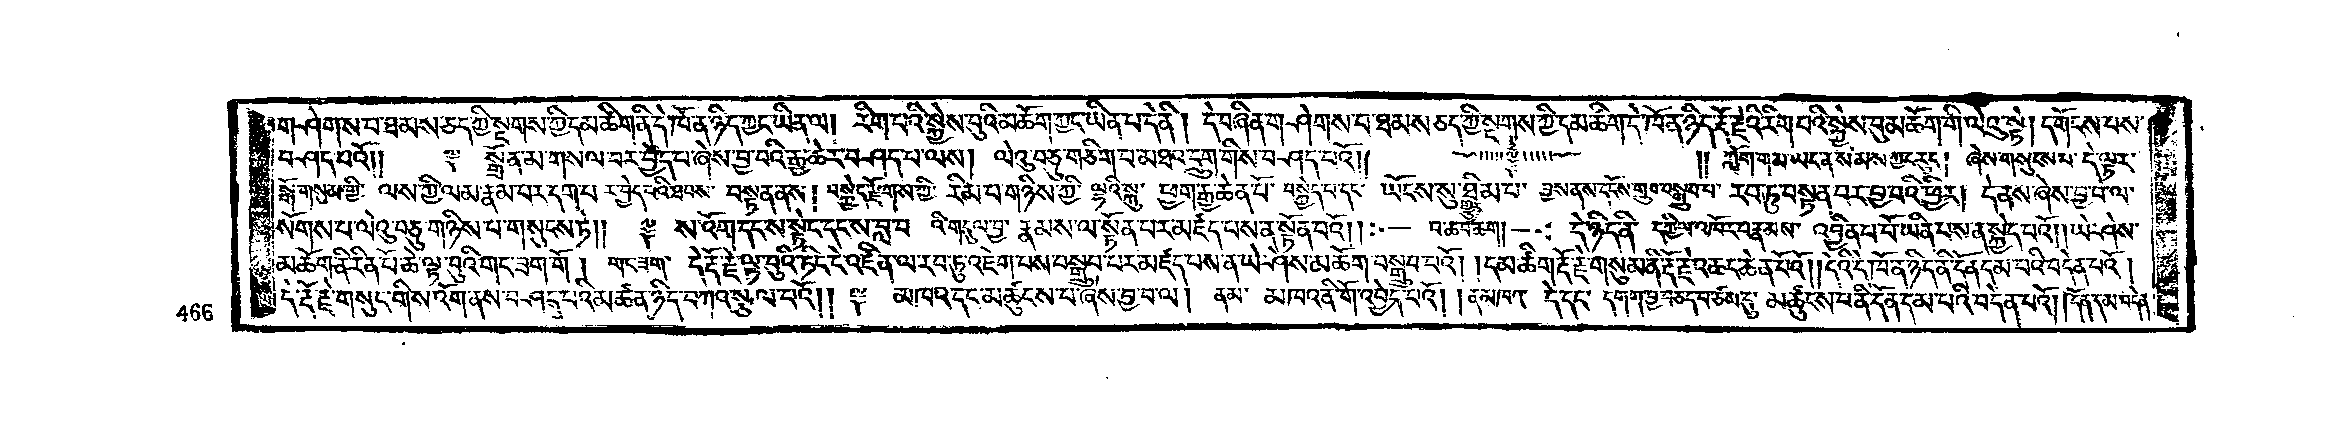གཤེགས་པ་ཐམས་ཅད་ཀྱི་སྔགས་ཀྱི་དམ་ཚིག་ནི་དེ་ཁོ་ན་ཉིད་ཀྱང་ཡིན་ལ། རིག་པའི་སྐྱེས་བུའི་མཆོག་ཀྱང་ཡིན་པ་དེ་ནི། དེ་བཞིན་གཤེགས་པ་ཐམས་ཅད་ཀྱི་སྔགས་ཀྱི་དམ་ཚིག་དེ་ཁོ་ན་ཉིད་རྡོ་རྗེའི་རིག་པའི་སྐྱེས་བུ་མཆོག་གི་ལེའུ་སྟེ། དགོངས་པས་
བཤད་པའོ།། ༈ སྒྲོན་མ་གསལ་བར་བྱེད་པ་ཞེས་བྱ་བའི་རྒྱ་ཆེར་བཤད་པ་ལས། ལེའུ་བཅུ་གཅིག་པ་མཐའ་དྲུག་གིས་བཤད་པའོ།། ༆་།། ཀློག་གམ་ཡང་ན་སེམས་ཀྱང་རུང། ཞེས་གསུངས་པ་དེ་ལྟར་
སྒོ་གསུམ་གྱི་ལས་ཀྱི་ལམ་རྣམ་པར་དག་པར་བྱེད་པའི་ཐབས་བསྟན་ནས། བསྐྱེད་རྫོགས་ཀྱི་རིམ་པ་གཉིས་ཀྱི་ལྷའི་སྐུ་ཕྱག་རྒྱ་ཆེན་པོ་བསྐྱེད་པ་དང་ཡོངས་སུ་ཐིམ་པ་བྱས་ནས་དངོས་གྲུབ་བསྒྲུབ་པ་རབ་ཏུ་བསྟན་པར་བྱ་བའི་ཕྱིར། དེ་ནས་ཞེས་བྱ་བ་ལ་
སོགས་པ་ལེའུ་བཅུ་གཉིས་པ་གསུངས་ཏེ།། ༈ ས་འོག་དང་ས་སྟེང་དང་ས་བླ་བའི་གདུལ་བྱ་རྣམས་ལ་སྟོན་པར་མཛད་པས་ན་སྟོན་པའོ།།H.་པ་ཚབ་གྱུར་ཆག ། .H དེ་ཉིད་ནི་དཀྱིལ་འཁོར་བ་རྣམས་འབྱིན་པ་པོ་ཡིན་པས་ན་སྐྱེད་པའོ། །ཡེ་ཤེས་
མཆོག་ནི་རིན་པོ་ཆེ་ལྟ་བུའི་གང་ཟག་གོ ། གང་ཟག་དེ་རྡོ་རྗེ་ལྟ་བུའི་ཏིང་ངེ་འཛིན་ལ་རབ་ཏུ་འཇོག་པས་བསྒྲུབ་པར་མཛད་པས་ན་ཡེ་ཤེས་མཆོག་བསྒྲུབ་པའོ། །དམ་ཚིག་རྡོ་རྗེ་གསུམ་ནི་རྡོ་རྗེ་འཆང་ཆེན་པོའོ། །དེའི་དེ་ཁོ་ན་ཉིད་ནི་དོན་དམ་པའི་བདེན་པའོ།
དེ་རྡོ་རྗེ་གསུང་གིས་འོག་ནས་བཤད་པའི་མཚན་ཉིད་བཀའ་སྩལ་པའོ།། ༈ མཁའ་དང་མཚུངས་པ་ཞེས་བྱ་བ་ལ། ནམ་མཁའ་ནི་གོ་འབྱེད་པའོ། ། ནམ་མཁའ་དེ་དང་དགག་བྱ་བཅད་པ་ཙམ་དུ་མཚུངས་པ་ནི་དོན་དམ་པའི་བདེན་པའོ། །དོན་དམ་བདེན་